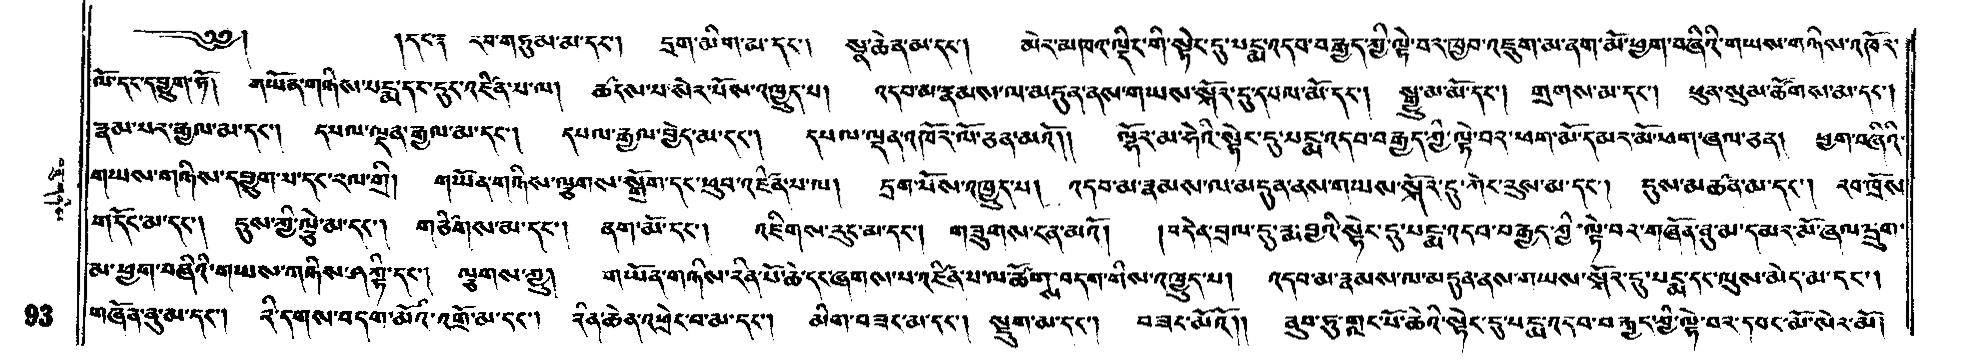༄༅། །དང༑ རབ་གཏུམ་མ་དང་། དྲག་མིག་མ་དང་། སྣ་ཆེན་མ་དང་། མེར་མཁའ་ལྡིང་གི་སྟེང་དུ་པདམ་འདབ་བརྒྱད་ཀྱི་ལྟེ་བར་ཁྱབ་འཇུག་མ་ནག་མོ་ཕྱག་བཞིའི་གཡས་གཉིས་འཁོར་
ལོ་དང་དབྱུག་ཏོ། གཡོན་གཉིས་པདམ་དང་དུང་འཛིན་པ་ལ། ཚངས་པ་སེར་པོས་འཁྱུད་པ། འདབ་མ་རྣམས་ལ་མདུན་ནས་གཡས་སྐོར་དུ་དཔལ་མོ་དང་། སྒྱུ་མ་མོ་དང་། གྲགས་མ་དང་། ཕུན་སུམ་ཚོགས་མ་དང་།
རྣམ་པར་རྒྱལ་མ་དང་། དཔལ་ལྡན་རྒྱལ་མ་དང་། དཔལ་རྒྱལ་བྱེད་མ་དང་། དཔལ་ལྡན་འཁོར་ལོ་ཅན་མའོ།། ལྷོར་མ་ཧེའི་སྟེང་དུ་པདམ་འདབ་བརྒྱད་ཀྱི་ལྟེ་བར་ཕག་མོ་དམར་མོ་ཕག་ཞལ་ཅན། ཕྱག་བཞིའི་
གཡས་གཉིས་དབྱུག་པ་དང་རལ་གྲི། གཡོན་གཉིས་ལྕགས་སྒྲོག་དང་ཕུབ་འཛིན་པ་ལ། དྲག་པོས་འཁྱུད་པ། འདབ་མ་རྣམས་ལ་མདུན་ནས་གཡས་སྐོར་དུ་ཀེང་རུས་མ་དང་། དུས་མཚན་མ་དང་། རབ་ཁྲོས་
གདོང་མ་དང་། དུས་ཀྱི་ལྕེ་མ་དང་། གཙིགས་མ་དང་། ནག་མོ་དང་། འཇིགས་རུང་མ་དང་། གཟུགས་ངན་མའོ། །བདེན་བྲལ་དུ་རྨ་བྱའི་སྟེང་དུ་པདམ་འདབ་བརྒྱད་ཀྱི་ལྟེ་བར་གཞོན་ནུ་མ་དམར་མོ་ཞལ་དྲུག་
མ་ཕྱག་བཞིའི་གཡས་གཉིས་ཤཀྟི་དང་། ལྕགས་ཀྱུ། གཡོན་གཉིས་རིན་པོ་ཆེ་དང་ཞགས་པའི་འཛིན་པ་ལ་ཚོགས་བདག་གིས་འཁྱུད་པ། འདབ་མ་རྣམས་ལ་མདུན་ནས་གཡས་སྐོར་དུ་པདམ་དང་ལུས་མེད་མ་དང་།
གཞོན་ནུ་མ་དང་། རི་དགས་བདག་མོའི་འགྲོ་མ་དང་། རིན་ཆེན་འཕྲེང་བ་མ་དང་། མིག་བཟང་མ་དང་། སྡུག་མ་དང་། བཟང་མོའོ།། ནུབ་ཏུ་གླང་པོ་ཆེའི་སྟེང་དུ་པདམ་འདབ་བརྒྱད་ཀྱི་ལྟེ་བར་དབང་མོ་སེར་མོ།